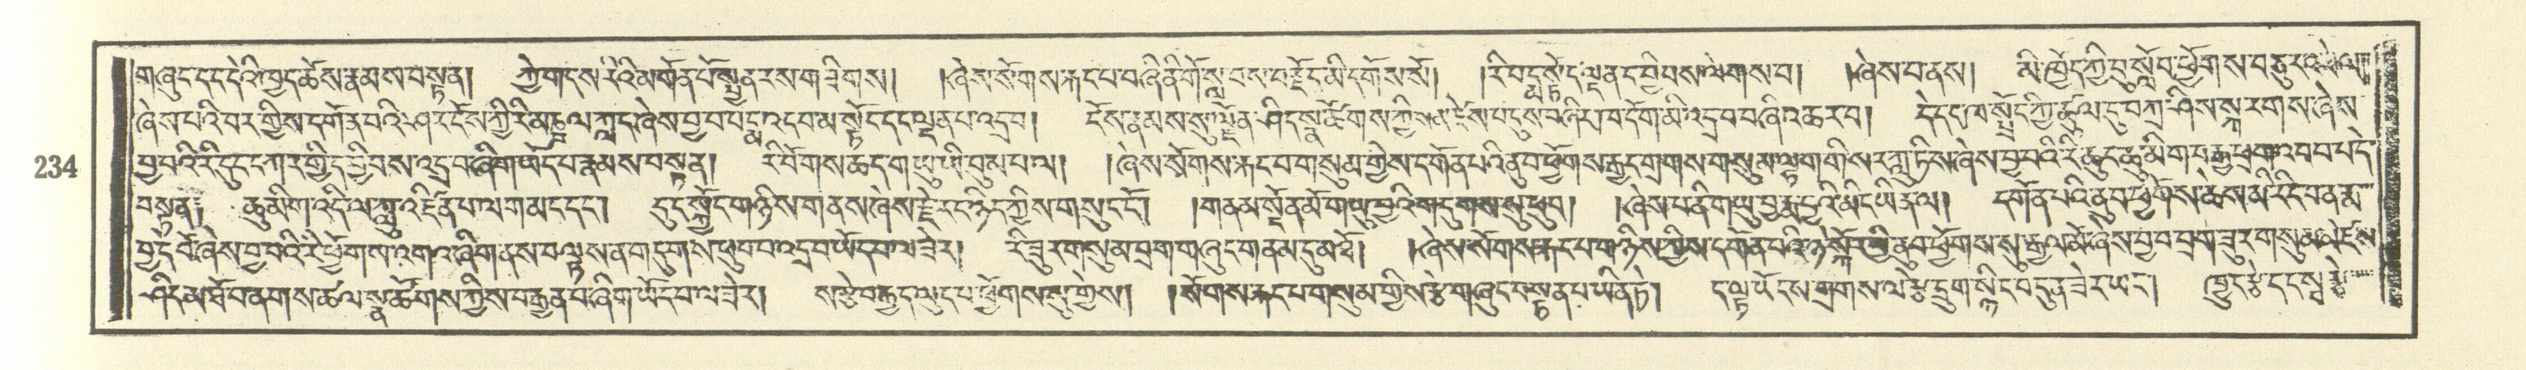གཞུང་དང་དེའི་ཁྱད་ཆོས་རྣམས་བསྟན། ཀྱེ་གངས་རིའི་མགོན་པོ་སྤྱན་རས་གཟིགས། །ཞེས་སོགས་རྐང་པ་བཞི་ནི་གོ་སླ་བས་བརྗོད་མི་དགོས་སོ། །རི་པདམ་སྟོད་ལྡན་དབྱིབས་ལེགས་བ། །ཞེས་པ་ནས། མི་ཁྱོད་ཀྱི་བུ་སློབ་ཕྱོགས་བཅུར་འཕེལ།།
ཞེས་པའི་བར་གྱིས་དགོན་པའི་ཤར་ངོས་ཀྱི་རི་མཎྜལ་ཀླད་ཞེས་བྱ་བ་པདམ་འདབ་མ་སྟོང་དང་ལྡན་པ་འདྲ་བ། ངོས་རྣམས་སུ་ལྗོན་ཤིད་སྣ་ཚོགས་ཀྱིས་མཛེས་བ་དུས་བཞིར་ཁ་དོག་མི་འདྲ་བ་བཞི་འཆར་བ། དེ་དང་ཁ་སྤྲོད་ཀྱི་ཚུལ་དུ་བཀྲ་ཤིས་སྐ་རགས་ཞེས་
བྱ་བའི་རི་དུང་དཀར་གྱི་དབྱིབས་འདྲ་བ་ཞིག་ཡོད་པ་རྣམས་བསྟན། རི་བོགས་ཆད་གཡུ་ཡི་བུམ་པ་ལ། །ཞེས་སོགས་རྐང་པ་གསུམ་གྱིས་དགོན་པའི་ནུབ་ཕྱོགས་རྒྱད་གྲགས་གསུམ་ལྷག་གི་སར་ཀླུ་ཏི་ས་ཞེས་བྱ་བའི་རི་ཆུང་ཆུ་མིག་བརྒྱ་ཕྲག་འབབ་པ་དེ་
བསྟན༑ ཆུ་མིག་འདི་ལ་ཀླུ་འཛིན་པ་ལག་མང་དང་། དུང་སྐྱོང་གཉིས་གནས་ཞེས་རྗེ་རང་ཉིད་ཀྱིས་གསུང་ངོ། །གནམ་སྔོན་མོ་གཡུ་བྱའི་གདུགས་སུ་ཕུབ། །ཞེས་པ་ནི་གཡུ་བྱ་རྨ་བྱའི་མིང་ཡིན་ལ། དགོན་པའི་ནུབ་ཕྱོགས་ཆེས་མི་རིང་བ་ན་རྨ་
བྱེད་བོ་ཞེས་བྱ་བའི་རི་ཕྱོགས་འགའ་ཞིག་ནས་བལྟས་ན་གདུགས་ཕུབ་བ་འདྲ་བ་ཡོད་པ་ལ་ཟེར། རི་ཟུར་གསུམ་བྲག་གཞུང་གནམ་དུ་མཐོ། །ཞེས་སོགས་རྐང་པ་གཉིས་ཀྱིས་དགོན་བའི་ཉེ་སྐོར་བྱིན་ནུབ་ཕྱོགས་སུ་རྒྱལ་མོ་ཞེས་བྱ་བ་བྲག་ཟུར་གསུམ་མཛེས་
ཤིང་མཐོ་བ་ནགས་ཚལ་སྣ་ཚོགས་ཀྱིས་བརྒྱན་པ་ཞིག་ཡོད་པ་ལ་ཟེར། ས་རྩེ་བརྒྱད་ལུང་པ་ཕྱོགས་སུ་གྱེས། །སོགས་རྐང་པ་གསུམ་གྱིས་རྩེ་གཞུང་བསྟན་པ་ཡིན་ཏེ། ད་ལྟ་ཡོངས་གྲགས་ལ་རྩེ་དྲུག་སྙིང་བདུན་ཟེར་ཡང་། ཁྱུང་རྩེ་དད་སྤ་རྩེ་